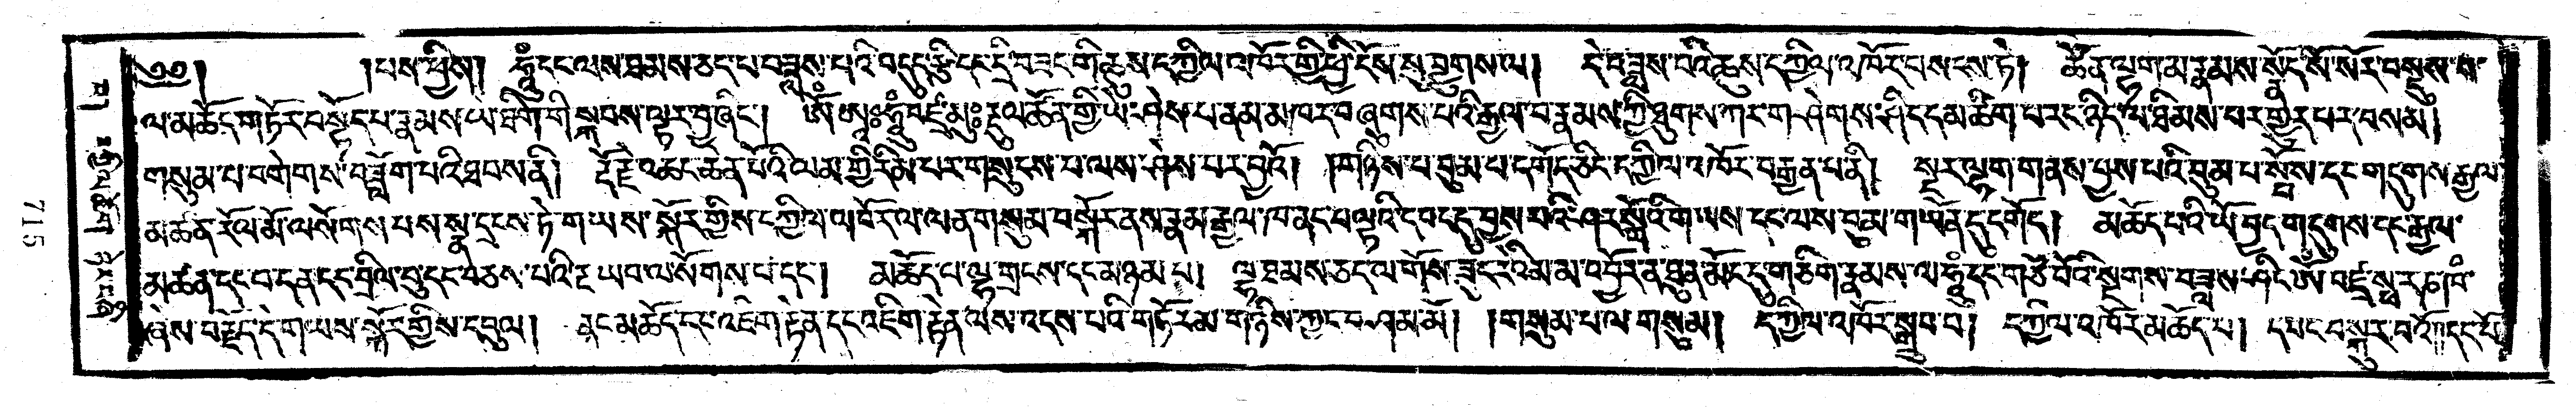༄༅། །པས་ཕྱིས། ཧཱུཾ་དང་ལས་ཐམས་ཅད་པ་བཟླས་པའི་བདུད་རྩི་དང་དྲི་བཟང་གི་ཆུས་དཀྱིལ་འཁོར་གྱི་ཕྱི་ངོས་སུ་བྱུགས་ལ། དེ་བཟླས་པའི་ཆུས་དཀྱིལ་འཁོར་བསངས་ཏེ། ཚོན་ལྷག་མ་རྣམས་སྣོད་སོ་སོར་བསྡུས་པ་
ལ་མཆོད་གཏོར་བསྟོད་པ་རྣམས་ཡ་ཐིག་གི་སྐབས་ལྟར་བྱ་ཞིང་། ཨོཾ་ཨཱཿཧཱུཾ་བཛྲ་མུཿརྡུལ་ཚོན་གྱི་ཡེ་ཤེས་པ་ནམ་མཁར་བཞུགས་པའི་རྒྱལ་བ་རྣམས་ཀྱི་ཐུགས་ཀར་གཤེགས་ཤིང་དམ་ཚིག་པ་རང་ཉིད་ལ་ཐིམས་པར་གྱུར་པར་བསམ།
གསུམ་པ་བགེགས་བཟློག་པའི་ཐབས་ནི། རྡོ་རྗེ་འཆང་ཆེན་པོའི་ལམ་གྱི་རིམ་པར་གསུངས་པ་ལས་ཤེས་པར་བྱའོ། །གཉིས་པ་བུམ་པ་དགོད་ཅིང་དཀྱིལ་འཁོར་བརྒྱན་པ་ནི། སྔར་ལྷག་གནས་བྱས་པའི་བུམ་པ་སྤོས་དང་གདུགས་རྒྱལ་
མཚན་རོལ་མོ་ལ་སོགས་པས་སྣ་དྲངས་ཏེ་གཡས་སྐོར་གྱིས་དཀྱིལ་འཁོར་ལ་ལན་གསུམ་བསྐོར་ནས་རྣམ་རྒྱལ་ཁ་ནང་བལྟའི་དབང་དུ་བྱས་པའི་ཤར་སྒོའི་གཡས་དང་ལས་བུམ་གཡོན་དུ་དགོད། མཆོད་པའི་ཡོ་བྱད་གདུགས་དང་རྒྱལ་
མཚན་དང་བ་དན་དང་བྲིལ་བུ་དང་བཅས་པའི་རྔ་ཡབ་ལ་སོགས་པ་དང་། མཆོད་པ་ལྷ་གྲངས་དང་མཉམ་པ། ལྷ་ཐམས་ཅད་ལ་གོས་ཟུང་རེའི་མ་མ་འབྱོར་ན་ཐུན་མོང་དུ་གཅིག་རྣམས་ལ་ཧཱུཾ་དང་གཙོ་བོའི་སྔགས་བཟླས་ཤིང་ཨོཾ་བཛྲ་སྥ་ར་ཎ་ཁཾ་
ཞེས་བརྗོད་དེ་གཡས་སྐོར་གྱིས་དབུལ། ནང་མཆོད་དང་འཇིག་རྟེན་དང་འཇིག་རྟེན་ལས་འདས་པའི་གཏོར་མ་གཉིས་ཀྱང་བཤམ་མོ། །གསུམ་པ་ལ་གསུམ། དཀྱིལ་འཁོར་སྒྲུབ་པ། དཀྱིལ་འཁོར་མཆོད་པ། དབང་བསྐུར་བའོ། །དང་པོ་